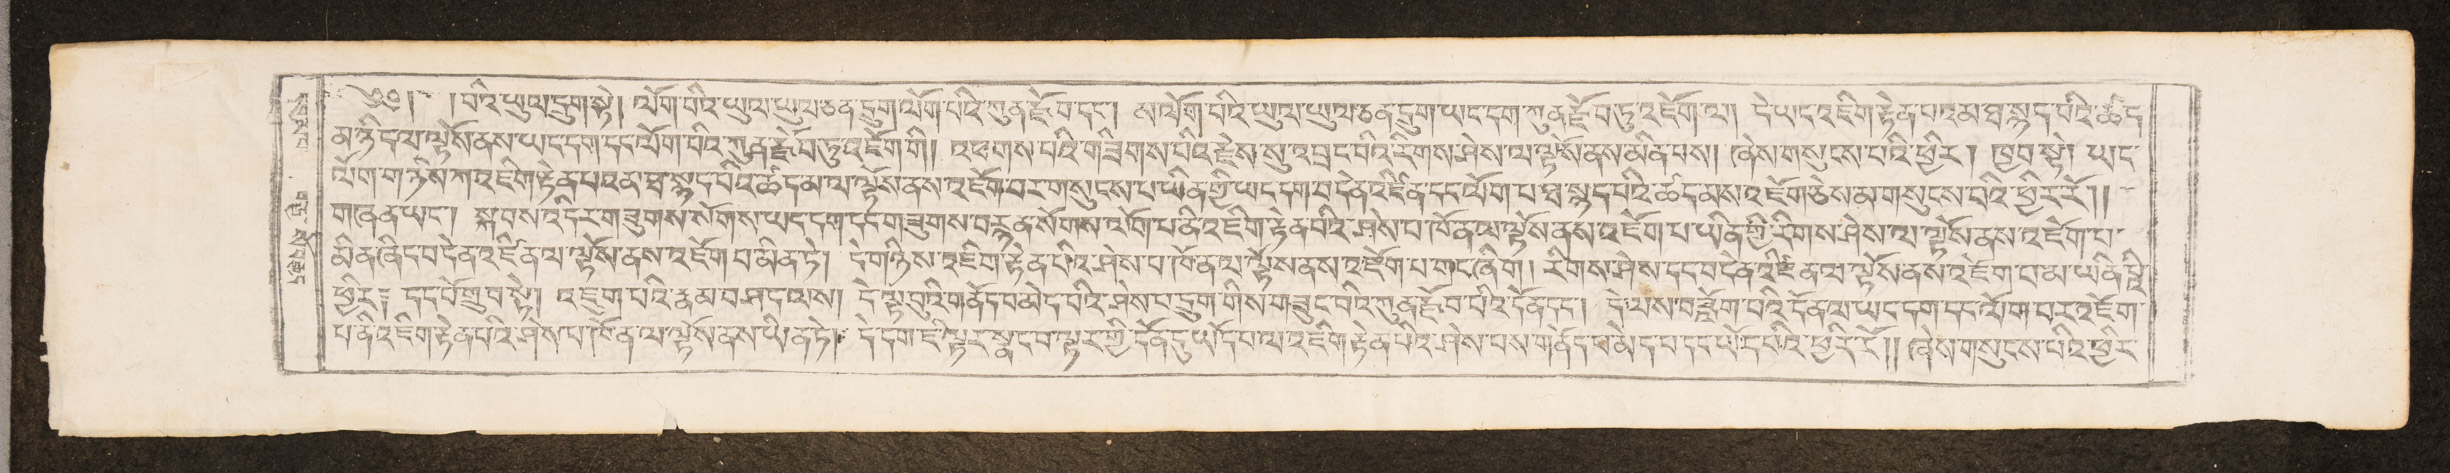༄༅། །བའི་ཡུལ་དྲུག་སྟེ། ལོག་པའི་ཡུལ་ཡུལ་ཅན་དྲུག་ལོག་པའི་ཀུན་རྫོབ་དང་། མ་ལོག་པའི་ཡུལ་ཡུལ་ཅན་དྲུག་ཡང་དག་ཀུན་རྫོབ་ཏུ་འཇོག་ལ། དེ་ཡང་འཇིག་རྟེན་པའམ་ཐ་སྙད་པའི་ཚད་
མ་ཉིད་ལ་ལྟོས་ནས་ཡང་དག་དང་ལོག་པའི་ཀུན་རྫོབ་ཏུ་འཇོག་གི། འཕགས་པའི་གཟིགས་པའི་རྗེས་སུ་འབྲང་བའི་རིགས་ཤེས་ལ་ལྟོས་ནས་མིན་པས། ཞེས་གསུངས་པའི་ཕྱིར། ཁྱབ་སྟེ། ཡང་
ལོག་ཉིས་ཀ་འཇིག་རྟེན་པའམ་ཐ་སྙད་པའི་ཚད་མ་ལ་ལྟོས་ནས་འཇོག་པར་གསུངས་པ་ཡིན་གྱི་ཡང་དག་བདེན་འཛིན་དང་ལོག་པ་ཐ་སྙད་པའི་ཚད་མས་འཇོག་ཅེས་མ་གསུངས་པའི་ཕྱིར་རོ།།
གཞན་ཡང་། སྐབས་འདིར་གཟུགས་སོགས་ཡང་དག་དང་གཟུགས་བརྙན་སོགས་ལོག་པ་ནི་འཇིག་རྟེན་པའི་ཤེས་པ་ཁོ་ན་ལ་ལྟོས་ནས་འཇོག་པ་ཡིན་གྱི་རིགས་ཤེས་ལ་ལྟོས་ནས་འཇོག་པ་
མིན་ཞིང་བདེན་འཛིན་ལ་ལྟོས་ནས་འཇོག་བ་མིན་ཏེ། དེ་གཉིས་འཇིག་རྟེན་པའི་ཤེས་པ་ཁོ་ན་ལ་ལྟོས་ནས་འཇོག་པ་གང་ཞིག། རིགས་ཤེས་དང་བདེན་འཛིན་ལ་ལྟོས་ནས་འཇོག་པ་མ་ཡིན་པཱི་
ཕྱིར༑ དང་པོ་གྲུབ་སྟེ། འཇུག་པའི་རྣམ་བཤད་ལས། དེ་ལྟ་བུའི་གནོད་པ་མེད་པའི་ཤེས་པ་དྲུག་གིས་གཟུང་བའི་ཀུན་རྫིབ་པའི་དོན་དང་། དེ་ལས་བཟློག་པའི་དོན་ལ་ཡང་དག་དང་ལོག་པར་འཇོག་
པ་ནི་འཇིག་རྟེན་པའི་ཤེས་པ་ཁོ་ན་ལྟོས་ནས་ཡིན་ཏེ། དེ་དག་ཇི་ལྟར་སྣང་བ་ལྟར་གྱི་དོན་དུ་ཡོད་པ་ལ་འཇིག་རྟེན་པའི་ཤེས་པས་གནོད་པ་མེད་པ་དང་ཡོད་པའི་ཕྱིར་རོ། །ཞེས་གསུངས་པའི་ཕྱིར་